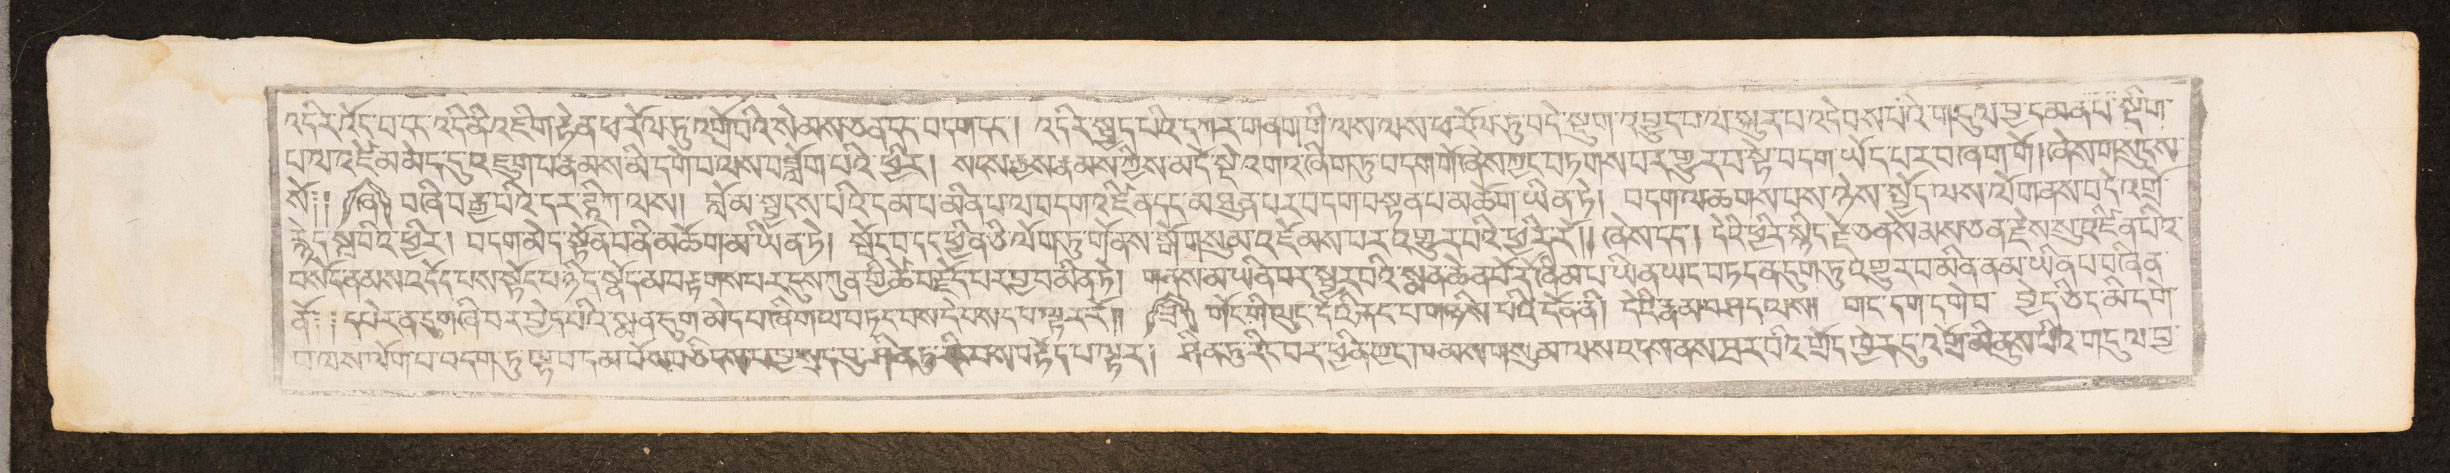འདིར་འོད་བ་དང་འདི་ནི་འཇིག་རྟེན་ཕ་རོལ་ཏུ་འགྲོ་བའི་སེམས་ཅན་དང་བདག་དང་། འདིར་སྤྱད་པའི་དཀར་གནག་གི་ལས་ལས་ཕ་རོལ་ཏུ་བདེ་སྡུག་འབྱུང་བ་ལ་སྐུར་བ་འདེབས་པའི་གདུལ་བྱ་དམན་པ་སྡིག་
པ་ལ་འཛེམ་མེད་དུ་འཇུག་པ་རྣམས་མི་དགེ་བ་ལས་བཟློག་པའི་ཕྱིར། སངས་རྒྱས་རྣམས་ཀྱིས་མདོ་སྡེ་འགའ་ཞིག་ཏུ་བདག་གོ་ཞེས་ཀྱང་བཏགས་པར་གྱུར་པ་སྟེ་བདག་ཡོད་པར་བཞག་གོ། །ཞེས་གསུངས་
སོ།། ༼༽ཞ༼༽ བཞི་བརྒྱ་པའི་དར་ཌའིཀ་ལས། བློ་མ་སྦྱངས་པའི་དམ་པ་མིན་པ་ལ་བདག་འཛིན་དང་མཐུན་པར་བདག་པ་བསྟན་པ་མཆོག་ཡིན་ཏེ། བདག་ལ་ཆགས་པས་ཉེས་སྤྱོད་ལས་ལོག་ནས་བདེ་འགྲོ་
རྙེད་སླ་བའི་ཕྱིར། བདག་མེད་སྟོན་པ་ནི་མཆོག་མ་ཡིན་ཏེ། སྤོང་བ་དང་ཕྱིན་ཅི་ལོག་ཏུ་གོ་ནས་སྒོ་གསུམ་འཇོམས་པར་འགྱུར་པའི་ཕྱིར་རོ།། ཞེས་དད། དེའི་ཕྱིར་སྙིང་རྗེ་ཅན་སེམས་ཅན་རྗེས་སུ་འཛིན་པའི་
བསོད་ནམས་འདོད་པས་སྟོང་པ་ཉིད་སྣོད་མ་བརྟགས་པར་དུས་ཀུན་གྱི་ཚེ་བརྗོད་པར་བྱ་བ་མིན་ཏེ། གནས་མ་ཡིན་པར་སྦྱར་བའི་སྨན་ཆེན་པོ་རོ་ཞིམ་པ་ཡིན་ཡང་བཏང་ན་དུག་ཏུ་འགྱུར་བ་མིན་ནམ་ཡིན་པ་བཞིན་
ནོ༑ ༑དཔེར་ན་དུ་གཞི་བར་བྱེད་པའི་སྨན་དུག་མེད་པ་ཞིག་ལ་བཏང་བས་དེ་བསད་པ་ལྟར་རོ།། ༼༽ཟ༼༽ གོང་གི་ལུང་དེའི་རྐང་པ་གཉིས་པའི་དོན་ནི། དེའི་རྣམ་བཤད་ལས། གང་དག་དགེ་བ་བྱེད་ཅིང་མི་དགེ་
བ་ལས་ལོག་པ་བདག་ཏུ་ལྟ་བ་དམ་པོས་བཅིངས་པ་བྱ་སྲག་བུ་ཤིན་ཏུ་རིང་བས་བརྟོད་པ་ལྟར། ཤིན་ཏུ་རིང་བར་ཕྱིན་ཀྱང་ཁམས་གསུམ་ལས་འདས་ནས་ཐར་བའི་གྲོང་ཁྱེར་དུ་འགྲོ་མི་ནུས་པའི་གདུལ་བྱ་